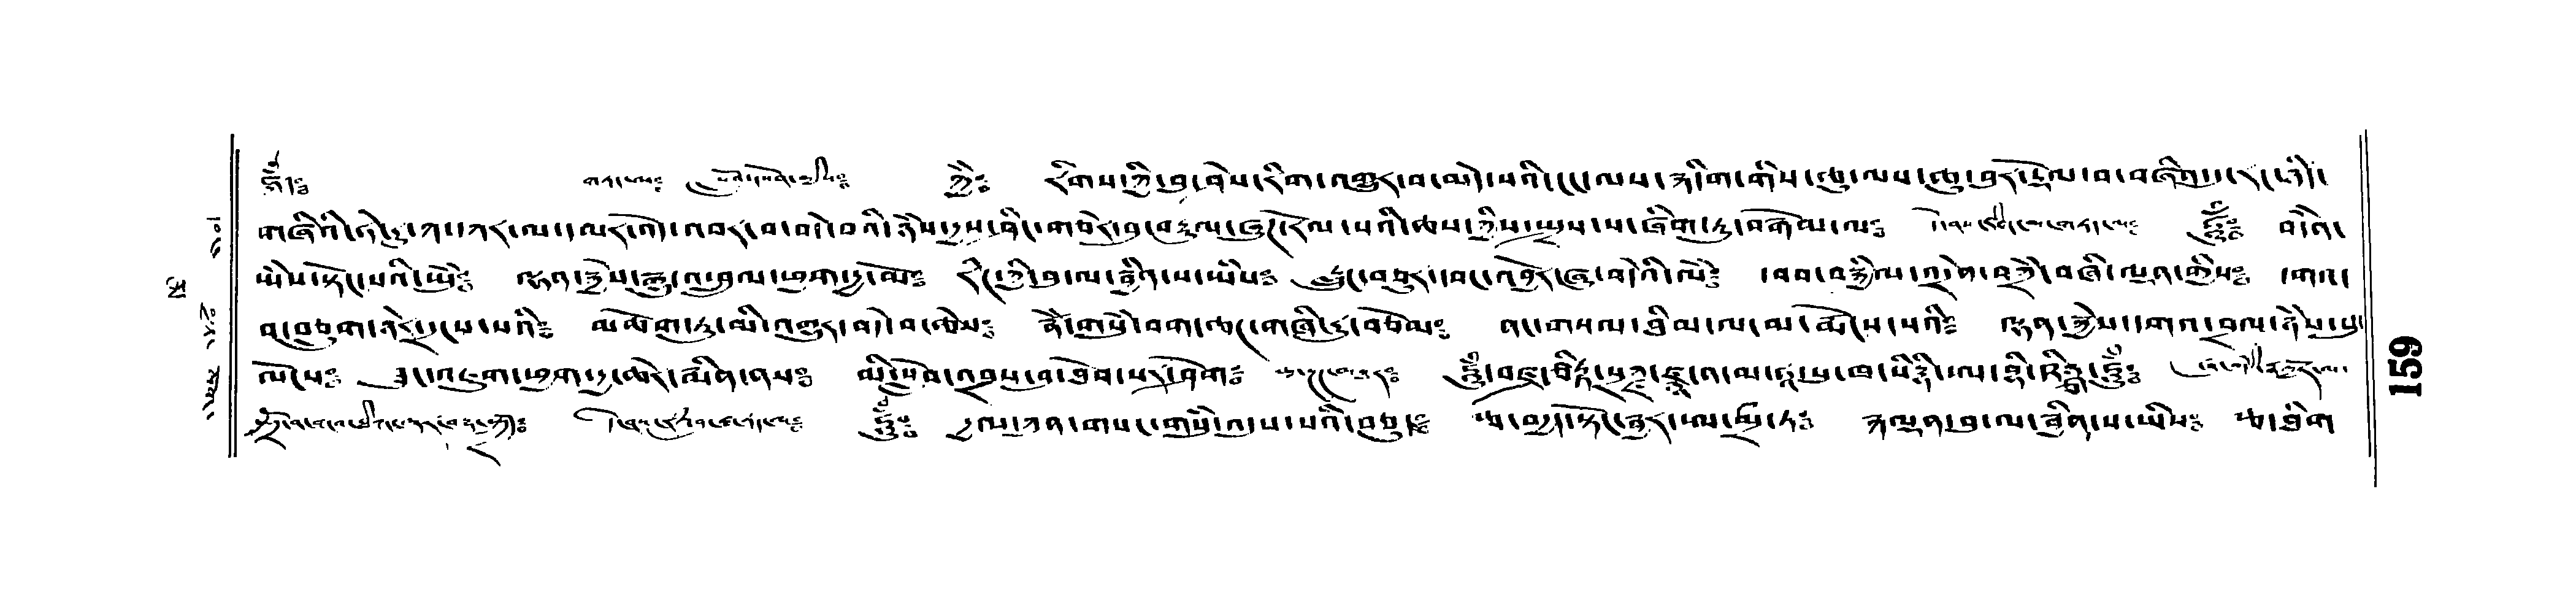གཏད་ལ༔ སློབ་དཔོན་གྱིས༔ ཀྱཻ༔ རིགས་ཀྱི་བུ་ཤེས་རིག་འགྱུར་བ་མེད་པའི་ངང་ལས་སྐད་ཅིག་གིས་ཆུ་ལས་ཆུ་བུར་རྡོལ་བ་བཞིན་དུ་རང་ཉིད་
གཞིའི་ཧེ་རུ་ཀ་དཀར་ལ་དམར་འོད་འབར་བ་བདེ་བའི་ཉམས་རྒྱས་ཤིང་གཅེར་བུ་བརྟུལ་ཞུགས་རོལ་པའི་ཆས་ཀྱིས་སྤྲས་པ་ཞིག་ཏུ་བསྒོམ་ལ༔ དེ་ནས་རིག་མ་གཏད་ལ༔ ཧཱུྃ༔ བདེ་ཆེན་
ཡེ་ཤེས་སྟོང་པའི་ཡུམ༔ ལྷན་སྐྱེས་སྒྱུ་འཕྲུལ་ཕྱག་རྒྱ་མོ༔ རིགས་ཀྱི་བུ་ལ་སྦྱིན་པ་ཡིས༔ རླུང་བཅུར་དབང་འབྱོར་ཞུ་བདེའི་ལམ༔ དབབ་བསྐྱིལ་འདྲེན་བཀྲམ་བཞི་ལྡན་གྱིས༔ དགའ་
བ་བཅུ་དྲུག་ཉེར་དྲངས་པའི༔ མཆོག་ཏུ་མི་འགྱུར་བདེ་བ་ཆེས༔ རྣམ་གསུམ་བག་ཆགས་གཞི་རུ་བཅོམ༔ ནང་གསལ་ཐིམ་ལ་མ་རྨོངས་པའི༔ ལྷན་སྐྱེས་དགའ་བྲལ་ཉམས་སུ་
ལོངས༔ ཟུང་འཇུག་ཕྱག་རྒྱ་ཆེར་སྨིན་ནས༔ མི་སློབ་འབྲས་བུ་ཐོབ་པར་ཤོག༔ རྩ་སྔགས་མཐར༔ ཧཱུྃ་བཛྲ་ཙིཏྟ་པྲཛྙ་ཛྙཱ་ན་མ་ཧཱ་སུ་ཁ་སིདྡྷི་ཨ་བྷི་རིཉྩ་ཧཱུྃ༔ ཞུ་བདེའི་རྣལ་འབྱོར་ལ་
སྤྲོ་ན་གབ་ཐིག་ལྟར་བརྡ་སྤྲོད༔ དེ་བས་རིལ་བུ་གཏད་ལ༔ ཧཱུྃ༔ རྒྱལ་ཀུན་གསང་གསུམ་འདུས་པའི་བཅུད༔ རྩ་བརྒྱད་སྟོང་སྦྱར་ཨ་མྲྀ་ཏ༔ སྐལ་ལྡན་བུ་ལ་སྦྱིན་པ་ཡིས༔ རྩ་ཐིག་